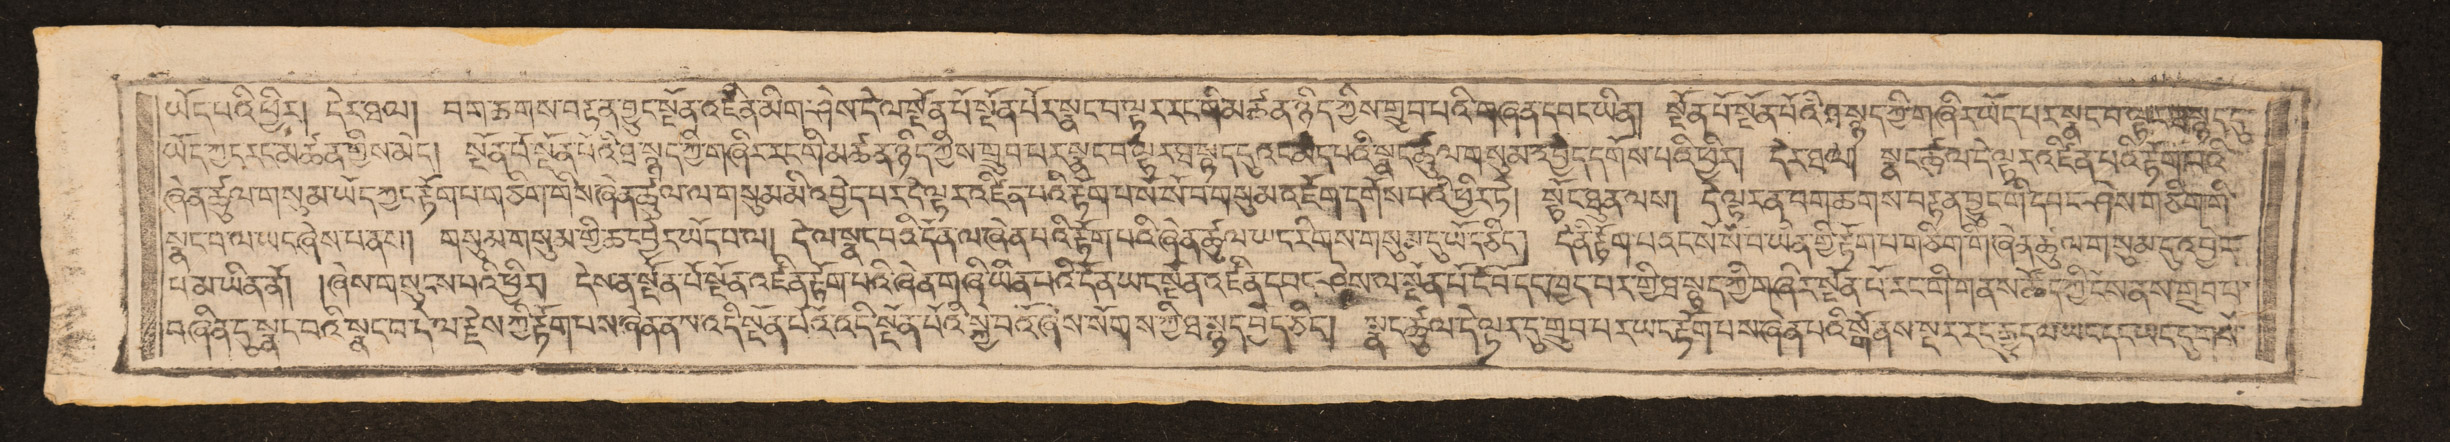ཡོད་པའི་ཕྱིར། དེར་ཐལ། བག་ཆགས་བརྟན་བྱུང་སྔོན་འཛིན་མིག་ཤེས་དེ་ལ་སྔོན་པོ་སྔོན་པོར་སྣང་བ་ལྟར་རང་གི་མཚན་ཉིད་ཀྱིས་གྲུབ་པའི་གཞན་དབང་ཡིན། སྔོན་པོ་སྔོན་པོའི་ཐ་སྙད་ཀྱི་གཞིར་ཡོད་པར་སྣང་བ་ལྟར་ཐ་སྙད་དུ་
ཡོད་ཀྱང་རང་མཚན་གྱིས་མེད། སྔོན་པོ་སྔོན་པོའི་ཐ་སྙད་ཀྱི་གཞིར་རང་གི་མཚན་ཉིད་ཀྱིས་གྲུབ་པར་སྣང་བ་ལྟར་ཐ་སྙད་དུའང་མེད་པའི་སྣང་ཚུལ་གསུམ་འབྱེད་དགོས་པའི་ཕྱིར། དེར་ཐལ། སྣང་ཚུལ་དེ་ལྟར་འཛིན་པའི་རྟོག་པའི་
ཞེན་ཚུལ་གསུམ་ཡོད་ཀྱང་རྟོག་པ་གཅིག་གིས་ཞེན་ཚུལ་ལ་གསུམ་མི་འབྱེད་པར་དེ་ལྟར་འཛིན་པའི་རྟོག་པ་སོ་སོ་བ་གསུམ་འཇོག་དགོས་པའི་ཕྱིར་ཏེ། སྟོང་ཐུན་ལས། དེ་ལྟར་ན་བག་ཆགས་བརྟན་བྱུང་གི་དབང་ཤེས་གཅིག་གི་
སྣང་བ་ལ་ཡང་ཞེས་པ་ནས། གསུམ་གསུམ་གྱི་ཆ་དབྱེར་ཡོད་པ་ལ། དེ་ལ་སྣང་བའི་དོན་ལ་ཞེན་པའི་རྟོག་པའི་ཞེན་ཚུལ་ཡང་རིགས་གསུམ་དུ་ཡོད་ཅིང་། དེ་ནི་རྟོག་པའང་སོ་སོ་བ་ཡིན་གྱི་རྟོག་པ་གཅིག་གི་ཞེན་ཚུལ་གསུམ་དུ་འབྱེད་
པ་མ་ཡིན་ནོ། །ཞེས་གསུངས་པའི་ཕྱིར། དེས་ན་སྔོན་པོ་སྔོན་འཛིན་རྟོག་པའི་ཞེན་གཞི་ཡིན་པའི་དོན་ཡང་སྔོན་འཛིན་དབང་ཤེས་ལ་སྔོན་པོ་ངོ་བོ་དང་ཁྱད་པར་གྱི་ཐ་སྙད་ཀྱི་གཞིར་སྔོན་པོ་རང་གི་གནས་ཚོད་ཀྱི་ངོས་ནས་གྲུབ་པ་
བཞིན་དུ་སྣང་བའི་སྣང་བ་དེ་ལ་རྗེས་ཀྱི་རྟོག་པས་ཞེན་ནས་འདི་སྔོན་པོའི་འདི་སྔོན་པོའི་སྐྱེ་བའོ་ཞེས་སོགས་ཀྱི་ཐ་སྙད་བྱེད་ཅིང་། སྣང་ཚུལ་དེ་ལྟར་དུ་གྲུབ་པར་ཡང་རྟོག་པས་ཞེན་པའི་སྒོ་ནས་སྔར་རང་རྒྱུད་ལ་ཡང་དང་ཡང་དུ་གསོ་